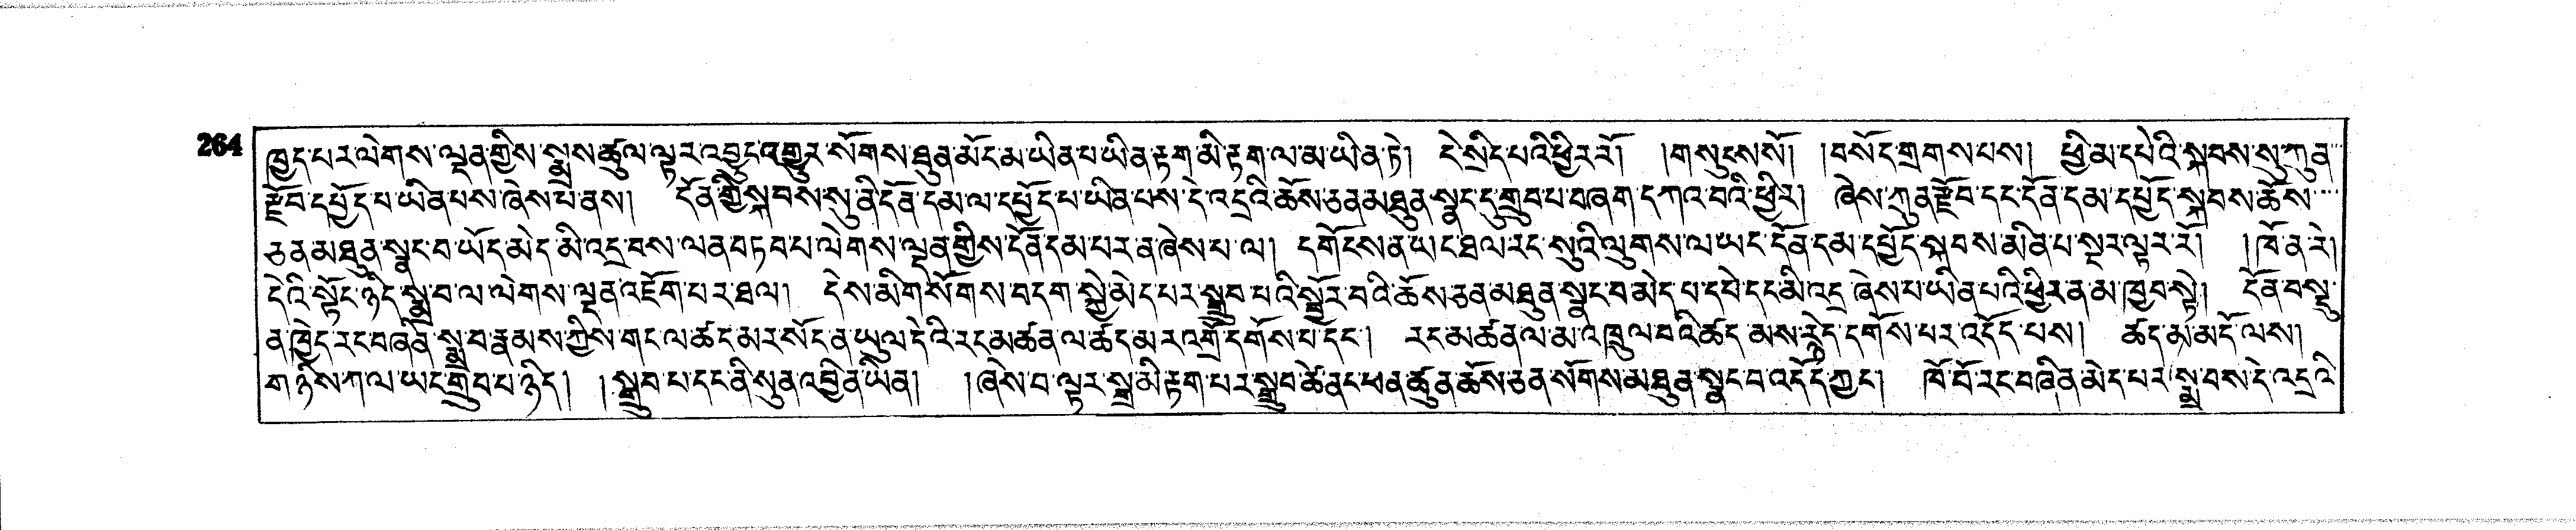ཁྱད་པར་ལེགས་ལྡན་གྱིས་སྨྲས་ཚུལ་ལྟར་འབྱུང་འགྱུར་སོགས་ཐུན་མོང་མ་ཡིན་པ་ཡིན་རྟག་མི་རྟག་ལ་མ་ཡིན་ཏེ། དེ་སྲིད་པའི་ཕྱིར་རོ། །གསུངས་སོ། །བསོད་གྲགས་པས། ཕྱི་མ་དཔེའི་སྐབས་སུ་ཀུན་
རྫོབ་དཔྱོད་པ་ཡིན་པས་ཞེས་པ་ནས། དོན་གྱི་སྐབས་སུ་ནི་དོན་དམ་ལ་དཔྱོད་པ་ཡིན་པས་དེ་འདྲའི་ཆོས་ཅན་མཐུན་སྣང་དུ་གྲུབ་པ་བཞག་དཀའ་བའི་ཕྱིར། ཞེས་ཀུན་རྫོབ་དང་དོན་དམ་དཔྱོད་སྐབས་ཆོས་
ཅན་མཐུན་སྣང་བ་ཡོད་མེད་མི་འདྲ་བས་ལན་བཏབ་པ་ལེགས་ལྡན་གྱིས་དོན་དམ་པར་ན་ཞེས་པ་ལ། དགོངས་ན་ཡང་ཐལ་རང་སུའི་ལུགས་ལ་ཡང་དོན་དམ་དཔྱོད་སྐབས་མིན་པ་སྔར་ལྟར་རོ། །ཁོ་ན་རེ།
དེའི་སྟོང་ཉིད་སྨྲ་བ་ལ་ལེགས་ལྡན་འཇོག་པར་ཐལ། དེས་མིག་སོགས་བདག་སྐྱེ་མེད་པར་སྒྲུབ་པའི་སྦྱོར་བའི་ཆོས་ཅན་མཐུན་སྣང་བ་མེད་པ་དཔེ་དང་མི་འདྲ་ཞེས་པ་ཡིན་པའི་ཕྱིར་ན་མ་ཁྱབ་སྟེ། དོན་བསྡུ་
ན་ཁྱེད་རང་བཞིན་སྨྲ་བ་རྣམས་ཀྱིས་གང་ལ་ཚང་མར་སོང་ན་ཡུལ་དེའི་རང་མཚན་ལ་ཚད་མར་འགྲོ་དགོས་པ་དང་། རང་མཚན་ལ་མ་འཁྲུལ་བའི་ཚད་མས་རྙེད་དགོས་པར་འདོད་པས། ཚད་མ་མདོ་ལས།
གཉིས་ཀ་ལ་ཡང་གྲུབ་པ་ཉིད། །སྒྲུབ་པ་དང་ནི་སུན་འབྱིན་ཡིན། །ཞེས་བ་ལྟར་སྒྲ་མི་རྟག་པར་སྒྲུབ་ཚེ་ནང་ཕན་ཚུན་ཆོས་ཅན་སོགས་མཐུན་སྣང་བ་འདོད་ཀྱང་། ཁོ་བོ་རང་བཞིན་མེད་པར་སྨྲ་བས་དེ་འདྲའི་